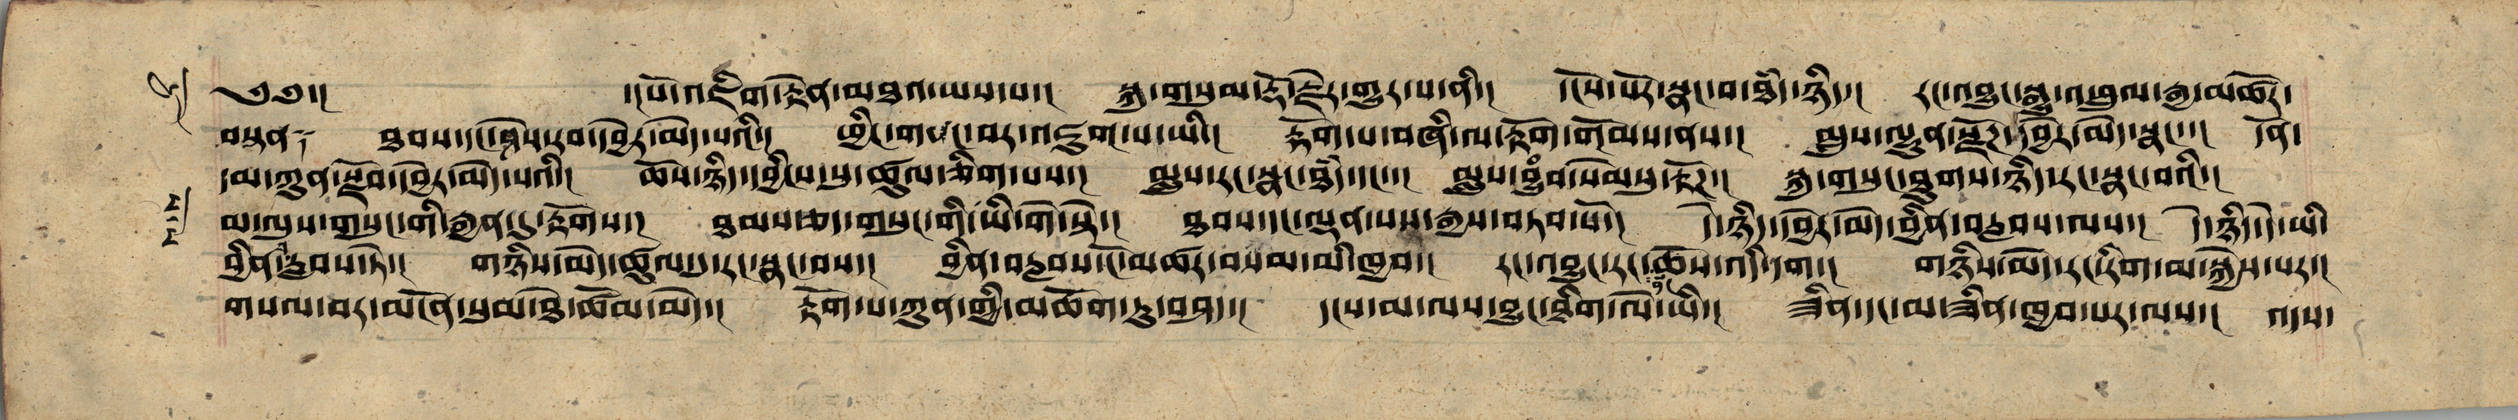༄༅་། ་།པོ་འཇིག་རྟེན་མཐའ་ཡས་པ་། སྐུ་གསུམ་རྡོ་རྗེར་གྱུར་པ་ནི་། དངོས་པོར་སྣང་བ་ཐདཾ་ཉིད་། རང་འབྱུང་སྒྱུ་འཕྲུལ་རྒྱ་མཚོར་
བསྟན༑ ཐབས་དང་ཤེས་རབ་དབྱེར་མེད་པའི་། ཕྱིང་གསང་བར་འཇུག་པ་ཡི་། རྟོག་པ་བཞི་ལ་རྟོག་གོམས་ནས་། མླུས་ལྷུན་སྫོཌ་དབྱེར་མེད་སྣང་་། དོན་
དམ་ཀུན་སྫོབ་དབྱེར་མེད་པའི་། ཆོས་ཉིད་དབྱིངས་སུ་ཚུལ་ཅིག་པས་། མླུས་རང་སྣང་ཐདཾ་དང་་། མླུས་བྱུཾབ་སེམསུ་རྟོཌ་། སྐུ་གསུང་ཐུགས་ཉིད་རང་སྣང་བའི་།
མ་ལུས་གསུང་གི་རྒྱན་དུ་རྟོགས་། ཐམས་ཅད་གསུང་གི་ཡི་གེ་སྟེ་། ཐབས་དང་ལྡན་པས་རྒྱས་བཏབ་པོ་། དེ་ཉིད་དབྱེར་མེད་བྱིན་བརླབས་ལས་། དེ་ཉིད་དེ་ཡི་
བྱིན་རླབས་ཏེ་། གཉིས་མེད་ཚུལ་དུ་རང་སྣང་བས་། བྱིན་བརླབས་ངོ་མཚར་བསམ་མི་ཁྱབ་། རང་འབྱུང་རང་སྣང་ཆོས་འདི་དག་། གཉིས་མེད་རང་རིག་མ་སྐྱེས་པར་།
གསལ་བར་མངོན་སུམ་ཐེ་ཚོམ་མེད་། རྟོག་པ་ཀུན་གྱི་མཆོག་ཏུ་བཤད་། དངས་མ་ལས་བྱུང་ཐིག་ལེ་ཡི་། ཟིན་དང་མ་ཟིན་ཁྱབ་པར་ལས་། འདས་